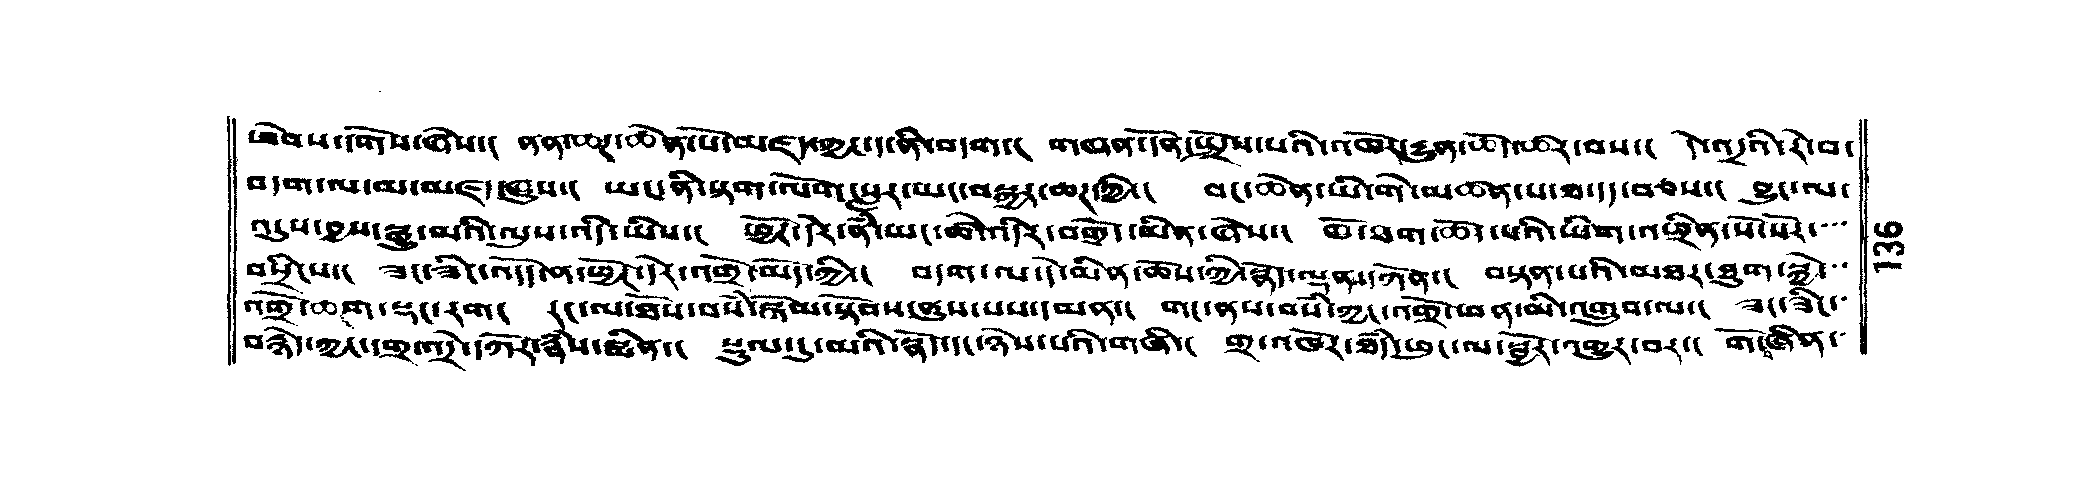ཕེབས་དགོས་ཞེས། །ནན་ཆགས་ཆེན་པོ་མཛད་ཀྱང་ད་ནི་བདག །གཞན་དོན་སྤྲོས་པའི་འཁོར་རྒྱུན་ཆོད་ཚར་བས། །དེ་འདྲའི་རེ་བ་
བདག་ལ་མ་མཛད་ཞུས། །ཡང་ནི་སྟོང་ལོག་སླར་ཡང་བསྐྱར་ཆགས་ཀྱི། །བང་ཆེན་ཡི་གེ་མཚན་པ་ཐ་དད་བཅས། །བྱུང་ལ་
འདུས་བྱས་སྒྱུ་མའི་ལུས་འདི་ཡིས། །ཕྱོགས་དེར་ནམ་ཡང་ཚེ་འདིར་འགྲོད་མིན་ཞེས། །ཁོ་ཐག་ཆོད་པའི་ཡིག་འཕྲིན་སོ་སོར་
བསྲིངས། །ཟང་ཟིང་འདོད་ན་ཕྱོགས་དེར་འགྲོ་མོད་ཀྱི། །བདག་ལ་དེ་མིན་ཆོས་ཀྱི་སྣོད་ལྡན་དཀོན། །བསྟན་པའི་མཐར་ཐུག་སྐྱེ་
འགྲོ་ཆགས་སྡང་རགས། །རང་ལ་ཐོས་བསམ་སྒོམ་སྟོབས་ནུས་པ་དམན། །གང་ནས་བསམ་ཀྱང་འགྲོ་ཕན་མི་འགྲུབ་ལ། །ཟང་ཟིང་
བརྙེད་ཀྱང་དགྲ་འདྲེ་དཀོར་རྣམས་སྨིན། །སྡུག་བསྔལ་དུ་མའི་སྣོད་དང་ཉེས་པའི་གཞི། །གྲྭ་འཁོར་ཐམས་ཅད་ཕུང་ལ་སྦྱོར་འགྱུར་བར། །གོ་བཞིན་